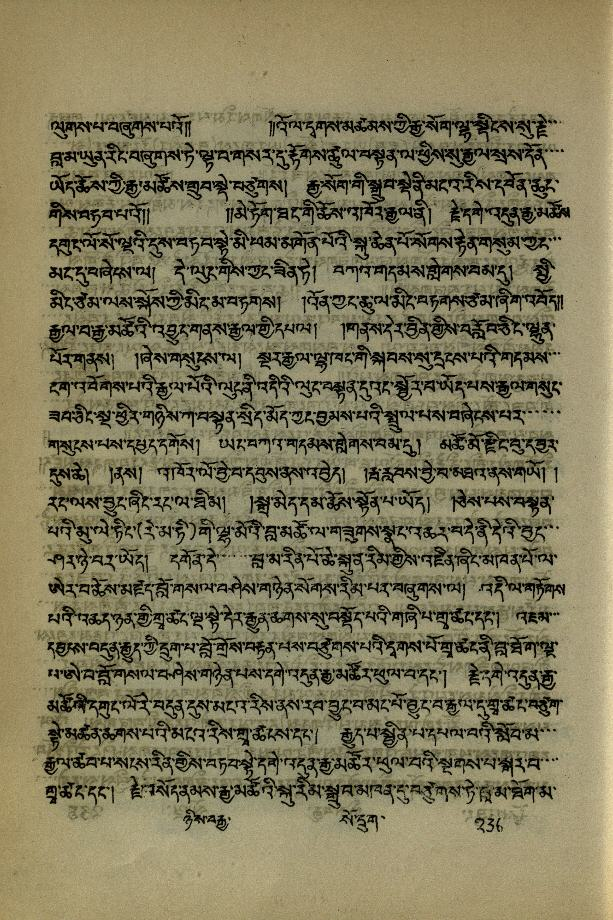ལུགས་པ་བཞུགས་པའོ།། །།འོལ་དྭགས་མཚམས་ཀྱི་རྒྱ་སོག་ལྷ་སྡིངས་སུ་རྗེ་
བླ་མ་ཡུན་རིང་བཞུགས་ཏེ་ལྟ་བ་གསར་དུ་རྟོགས་ཚུལ་བསྟན་ལ་ཕྱིས་སུ་རྒྱལ་སྲས་དོན་
ཡོད་ཆོས་ཀྱི་རྒྱ་མཚོས་གྲུབ་སྡེ་བཙུགས། རྒྱ་སོག་གི་སྒྲུབ་སྡེ་ནི་མངའ་རིས་དབོན་ཆུང་
གིས་བཏབ་པའོ།། །།མེ་ཏོག་ཐང་གི་ཆོས་འཁོར་རྒྱལ་ནི། རྗེ་དགེ་འདུན་རྒྱ་མཚོས་
དགུང་ལོ་སོ་ལྔའི་དུས་བཏབ་སྟེ་མི་ཕམ་མགོན་པོའི་སྐུ་ཆེན་པོ་སོགས་རྟེན་གསུམ་ཀྱང་
མང་དུ་བཞེངས་ལ། དེ་ལུང་གིས་ཀྱང་ཟིན་ཏེ། བཀའ་གདམས་གླེགས་བམ་དུ། སྤྱི་
མིང་ཙམ་ལས་སྐོས་ཀྱི་མིང་མ་བཏགས། །འོན་ཀྱང་ཆུ་ལ་མིང་བཏགས་ཙམ་ཞིག་འབོད།།
རྒྱལ་བ་རྒྱ་མཚོའི་འབྱུང་གནས་རྒྱལ་གྱི་དཔལ། །གནས་དེར་བྱིན་གྱིས་བརློབ་ཅིང་ལྷུན་
པོར་གནས། །ཞེས་གསུངས་ལ། སྔར་རྒྱལ་ལྷ་ཁང་གི་སྐབས་སུ་དྲངས་པའི་གདམས་
ངག་འབོགས་པའི་རྒྱལ་པོའི་ལུང་ནི་འདིའི་ལུང་བསྟན་དུའང་སྦྱོར་བ་ཡོད་པས་རྒྱལ་གསུང་
ཟབ་ཅིང་སྔ་ཕྱིར་གཉིས་ཀ་བསྟན་སྲིད་མོད་ཀྱང་བྱམས་པའི་སྤྲུལ་པས་བཞེངས་པར་
གསུངས་པས་དཔྱད་དགོས། ཡང་བཀའ་གདམས་གླེགས་བམ་དུ། མཚོ་མོ་རྫིང་བུ་དབྱར་
དུས་ཆེ། །ནས། འཁོར་ལོ་བྱེ་བ་དབུས་ནས་འབྱེད། །རྦ་རླབས་བྱེ་བ་མཐའ་ནས་གཡོ། །
རང་ལས་བྱུང་ཞིང་རང་ལ་ཐིམ། །སྒྲ་མེད་དམ་ཆོས་སྟོན་པ་ཡོད། །ཅེས་པས་བསྟན་
པའི་མུ་ལེ་ཏིང་རེ་མ་ཏི་གི་ལྷ་མོའི་བླ་མཚོ་ལ་གཟུགས་སྣང་འཆར་བ་དེ་ནི་དེའི་བྱང་
ཤར་ཉེ་བར་ཡོད། དགོན་དེ་བླ་མ་རིན་པོ་ཆེ་སྐུ་ན་རིམ་གྱིས་འཛིན་ཞིང་མཁན་པོ་ལ་
ཨེར་བ་ཆོས་མཛད་བློ་གསལ་བཤེས་གཉེན་སོགས་རིམ་པར་བཞུགས་ལ། འདི་ལ་གཏོགས་
པའི་འཆད་ཉན་གྱི་གྲྭ་ཚང་ལྔ་སྟེ་དེར་རྒྱུན་ཆགས་སུ་བསྡོད་པའི་གཞི་པ་གྲྭ་ཚང་དང་། འཇམ་
དབྱངས་བདུན་རྒྱུད་ཀྱི་དྲུག་པ་བློ་གྲོས་བརྟན་པས་བཙུགས་པའི་དྭགས་པོ་གྲྭ་ཚང་ནི་བླ་ཐོ་ག་ལྔ་
པ་ཨེ་བ་བློ་གསལ་བཤེས་གཉེན་པས་དགེ་འདུན་རྒྱ་མཚོར་ཕུལ་བ་དང་། རྗེ་དགེ་འདུན་རྒྱ་
མཚོའི་དགུང་ལོ་རེ་བདུན་དུས་མངའ་རིས་ནས་རབ་བྱུང་བ་མང་པོ་བྱུང་བ་རྒྱལ་དུ་གྲྭ་ཚང་བཙུག་
སྟེ་མཚན་ཆགས་པའི་མངའ་རིས་གྲྭ་ཚངས་དང་། རྒྱུད་པ་སྦྱིན་པ་དཔལ་བའི་སློབ་མ་
རྒྱལ་ཚབ་པ་སངས་རིན་གྱིས་བཏབ་སྟེ་དགེ་འདུན་རྒྱ་མཚོར་ཕུལ་བའི་སྔགས་པ་སྒར་བ་
གྲྭ་ཚང་དང་། རྗེ་བསོད་ནམས་རྒྱ་མཚོའི་སྐུ་རིམ་སྒྲུབ་མཁན་དུ་བཙུགས་ཏེ་བླ་མ་ཐོག་མ་